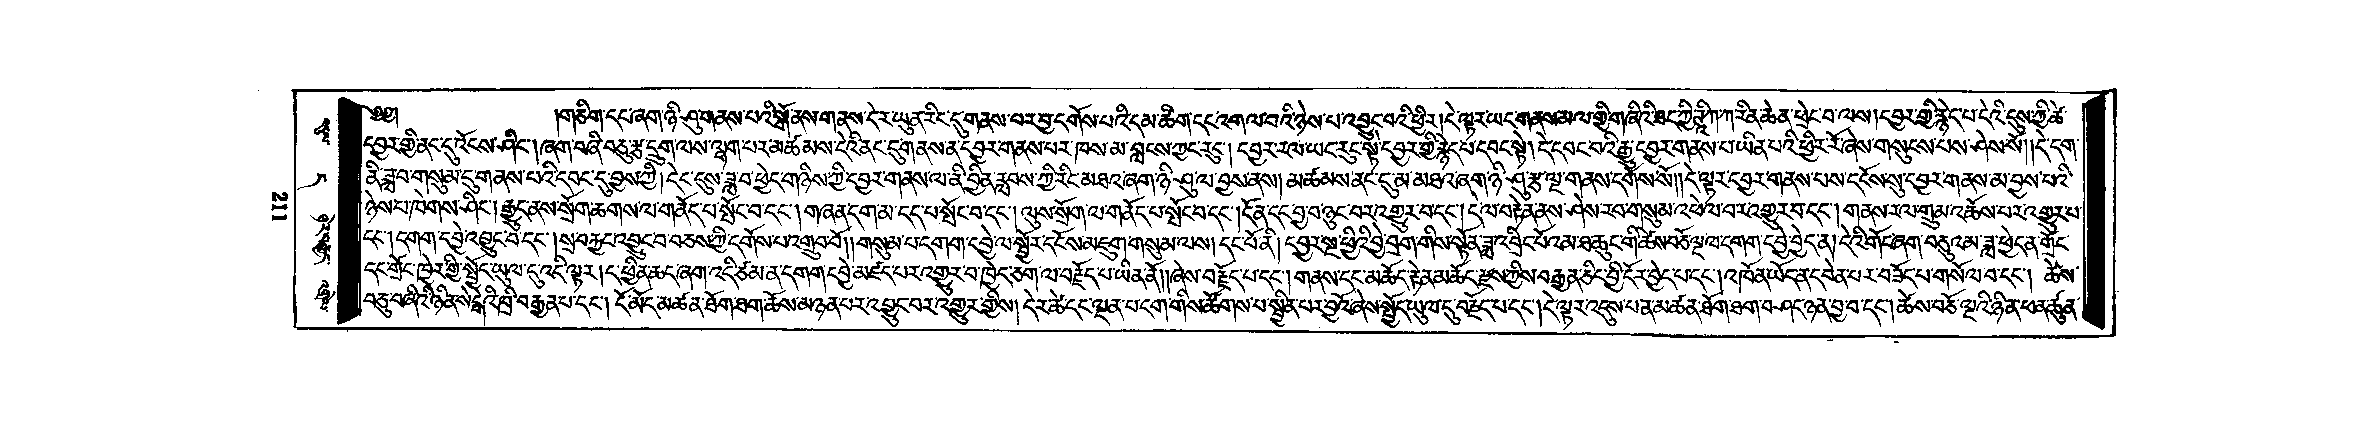༄༅། །གཅིག་དང་ཞག་ཉི་ཤུ་གནས་པའི་སྒོ་ནས་གནས་དེར་ཡུན་རིང་དུ་གནས་པར་བྱ་དགོས་པའི་དམ་ཚིག་དང་འགལ་བའི་ཉེས་པ་འབྱུང་བའི་ཕྱིར། དེ་ལྟར་ཡང་གནས་མལ་གྱི་གཞིའི་ཐད་ཀྱི་ཊཱིཀ་ཀ་རིན་ཆེན་ཕྲེང་བ་ལས། དབྱར་གྱི་རྙེད་པ་དེའི་དུས་ཀྱི་ཚེ་
དབྱར་གྱི་ནང་དུ་འོངས་ཤིང་། ཞག་བཞི་བཅུ་རྩ་དྲུག་ལས་ལྷག་པར་མཚམས་དེའི་ནང་དུ་གནས་ན་དབྱར་གནས་པར་ཁས་མ་བླངས་ཀྱང་རུང་། དབྱར་རལ་ཡང་རུང་སྟེ་དབྱར་གྱི་རྙེད་པ་དབང་སྟེ། དེ་དབང་བའི་རྒྱུ་དབྱར་གནས་པ་ཡིན་པའི་ཕྱིར་རོ་ཞེས་གསུངས་པས་ཤེས་སོ། །དེ་དག་
ནི་ཟླ་བ་གསུམ་དུ་གནས་པའི་དབང་དུ་བྱས་ཀྱི། དེང་དུས་ཟླ་བ་ཕྱེད་གཉིས་ཀྱི་དབྱར་གནས་ལ་ནི་བྱིན་རླབས་ཀྱི་རིང་མཐའ་ཞག་ཉི་ཤུ་ལ་བྱས་ནས། མཚམས་ནང་དུ་མ་མཐའ་ཞག་ཉི་ཤུ་རྩ་ལྔ་གནས་དགོས་སོ། །དེ་ལྟར་དབྱར་གནས་པས་དངོས་སུ་དབྱར་གནས་མ་བྱས་པའི་
ཉེས་པ་ཁེགས་ཤིང་། རྒྱུད་ནས་སྲོག་ཆགས་ལ་གནོད་པ་སྤོང་བ་དང་། གཞན་དག་མ་དད་པ་སྤོང་བ་དང་། ལུས་སྲོག་ལ་གནོད་པ་སྤོང་བ་དང་། དོན་དང་བྱ་བ་ཉུང་བར་འགྱུར་བ་དང་། དེ་ལ་བརྟེན་ནས་ཤེས་རབ་གསུམ་འཕེལ་བར་འགྱུར་བ་དང་། གནས་རལ་གྲུམ་འཆོས་པར་འགྱུར་པ་
དང་། དགག་དབྱེ་འབྱུང་བ་དང་། སྲ་བརྐྱང་འབྱུང་བ་བཅས་ཀྱི་དགོས་པ་འགྲུབ་བོ། །གསུམ་པ་དགག་དབྱེ་ལ་སྦྱོར་དངོས་མཇུག་གསུམ་ལས། དང་པོ་ནི། དབྱར་སྔ་ཕྱིའི་བྱེ་བྲག་གིས་སྟོན་ཟླ་འབྲིང་པོའམ་ཐ་ཆུང་གི་ཚེས་བཅོ་ལྔ་ལ་དགག་དབྱེ་བྱེད་ན། དེའི་གོང་ཞག་བཅུའམ་ཟླ་ཕྱེད་ན་གྲོང་
དང་གྲོང་ཁྱེར་གྱི་སྤྱོད་ཡུལ་དུ་འདི་ལྟར། ད་ཕྱིན་ཆད་ཞག་འདི་ཙམ་ན་དགག་དབྱེ་མཛད་པར་འགྱུར་བ་ཁྱེད་ཅག་ལ་བརྗོད་པ་ཡིན་ནོ། །ཞེས་བརྗོད་པ་དང་། གནས་དང་མཆོད་རྟེན་མཆོད་རྫས་ཀྱིས་བརྒྱན་ཅིང་བྱི་དོར་བྱེད་པ་དང་། འཁོན་ཡོད་ན་དབེན་པར་བཟོད་པ་གསོལ་བ་དང་། ཚེས་
བཅུ་བཞིའི་ཉིན་སེངྒེའི་ཁྲི་བརྒྱན་པ་དང་། དོ་མོད་མཚན་ཐོག་ཐག་ཆོས་མཉན་པར་འབྱུང་བར་འགྱུར་གྱིས། དེར་ཚེ་དང་ལྡན་པ་དག་གིས་ཚོགས་པ་སྦྱིན་པར་བྱའོ་ཞེས་སྤྱོད་ཡུལ་དུ་བརྗོད་པ་དང་། དེ་ལྟར་འདུས་པ་ན་མཚན་ཐོག་ཐག་བཤད་ཉན་བྱ་བ་དང་། ཚེས་བཅོ་ལྔའི་ཉིན་ཕན་ཚུན་